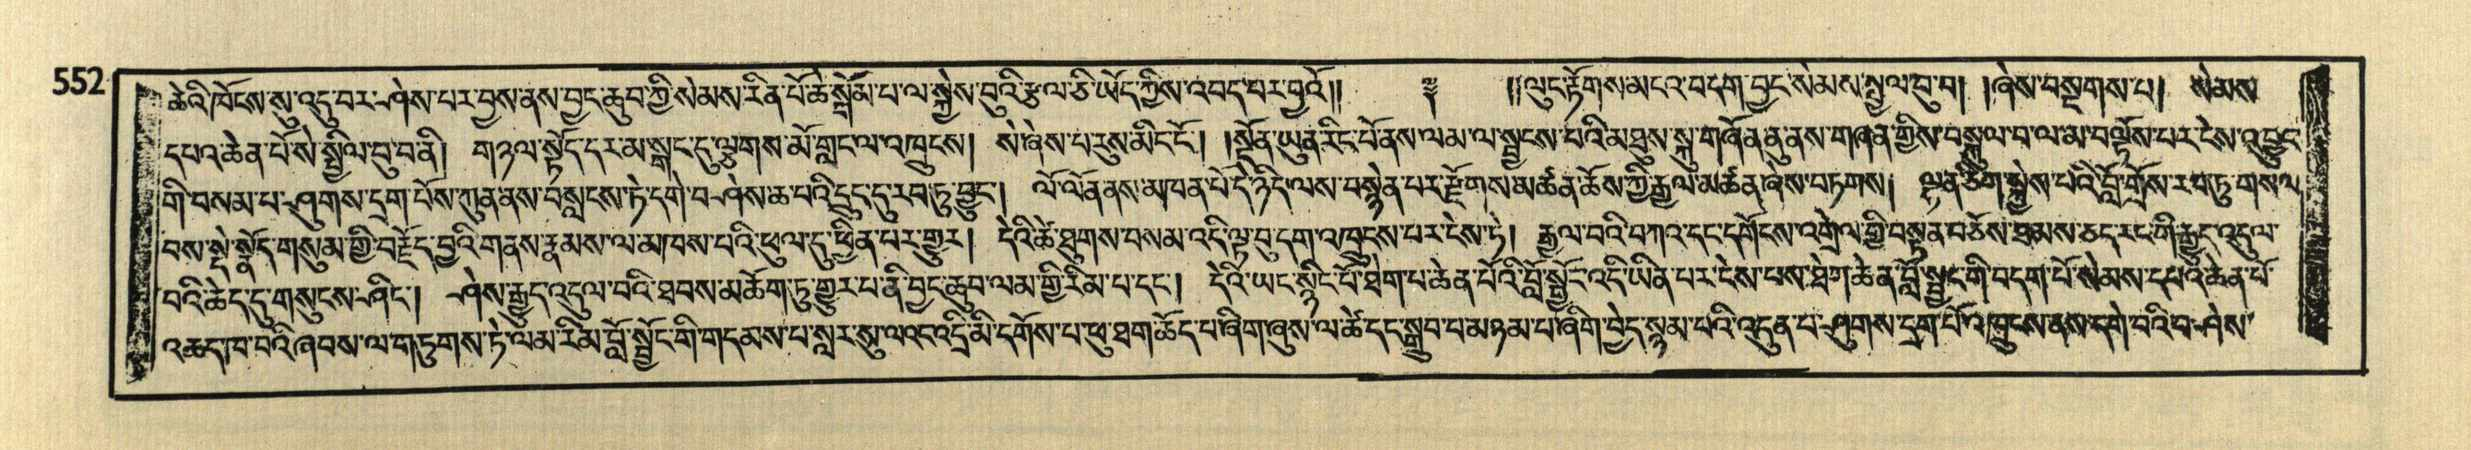ཆེའི་ཁོངས་སུ་འདུ་བར་ཤེས་པར་བྱས་ནས་བྱང་ཆུབ་ཀྱི་སེམས་རིན་པོ་ཆེ་སྒོམ་པ་ལ་སྐྱེས་བུའི་རྩལ་ཅི་ཡོད་ཀྱིས་འབད་པར་བྱའོ།། ༈ །།ལུང་རྟོགས་མངའ་བདག་བྱང་སེམས་སྤྱལ་བུ་བ། །ཞེས་བསྔགས་པ། སེམས་
དཔའ་ཆེན་པོ་སེ་སྤྱིལ་བུ་བ་ནི། གཉལ་སྟོད་དར་མ་སྒང་དུ་ལྕགས་མོ་གླང་ལ་འཁྲུངས། སེ་ཞེས་པ་རུས་མིང་ངོ། །སྔོན་ཡུན་རིང་པོ་ནས་ལམ་ལ་སྦྱངས་པའི་མཐུས་སྐུ་གཞོན་ནུ་ནས་གཞན་གྱིས་བསྐུལ་བ་ལ་མ་བལྟོས་པར་ངེས་འབྱུང་
གི་བསམ་པ་ཤུགས་དྲག་པོས་ཀུན་ནས་བསླངས་ཏེ་དགེ་བཤེས་ཆ་པའི་དྲུང་དུ་རབ་ཏུ་བྱུང་། ལོ་ལོན་ནས་མཁན་པོ་དེ་ཉིད་ལས་བསྙེན་པར་རྫོགས་མཚན་ཆོས་ཀྱི་རྒྱལ་མཚན་ཞེས་བཏགས། ལྷན་ཅིག་སྐྱེས་པའི་བློ་གྲོས་རབ་ཏུ་གསལ་
བས་སྡེ་སྣོད་གསུམ་གྱི་བརྗོད་བྱའི་གནས་རྣམས་ལ་མཁས་པའི་ཕུལ་དུ་ཕྱིན་པར་གྱུར། དེའི་ཚེ་ཐུགས་བསམ་འདི་ལྟ་བུ་དག་འཁྲུངས་པར་ངེས་ཏེ། རྒྱལ་བའི་བཀའ་དང་དགོངས་འགྲེལ་གྱི་བསྟན་བཅོས་ཐམས་ཅད་རང་གི་རྒྱུད་འདུལ་
བའི་ཆེད་དུ་གསུངས་ཤིང་། ཤེས་རྒྱུད་འདུལ་བའི་ཐབས་མཆོག་ཏུ་གྱུར་པ་ནི་བྱང་ཆུབ་ལམ་གྱི་རིམ་པ་དང་། དེའི་ཡང་སྙིང་པོ་ཐེག་པ་ཆེན་པོའི་བློ་སྦྱོང་འདི་ཡིན་པར་ངེས་པས་ཐེག་ཆེན་བློ་སྦྱང་གི་བདག་པོ་སེམས་དཔའ་ཆེན་པོ་
འཆད་ཁ་བའི་ཞབས་ལ་གཏུགས་ཏེ་ལམ་རིམ་བློ་སྦྱོང་གི་གདམས་པ་སླར་སུ་ལའང་འདྲི་མི་དགོས་པ་ཕུ་ཐག་ཆོད་པ་ཞིག་ཞུས་ལ་ཚེ་དང་སྒྲུབ་པ་མཉམ་པ་ཞིག་བྱེད་སྙམ་པའི་འདུན་པ་ཤུགས་དྲག་པོ་འཁྲུངས་ནས་དགེ་བའི་བཤེས་